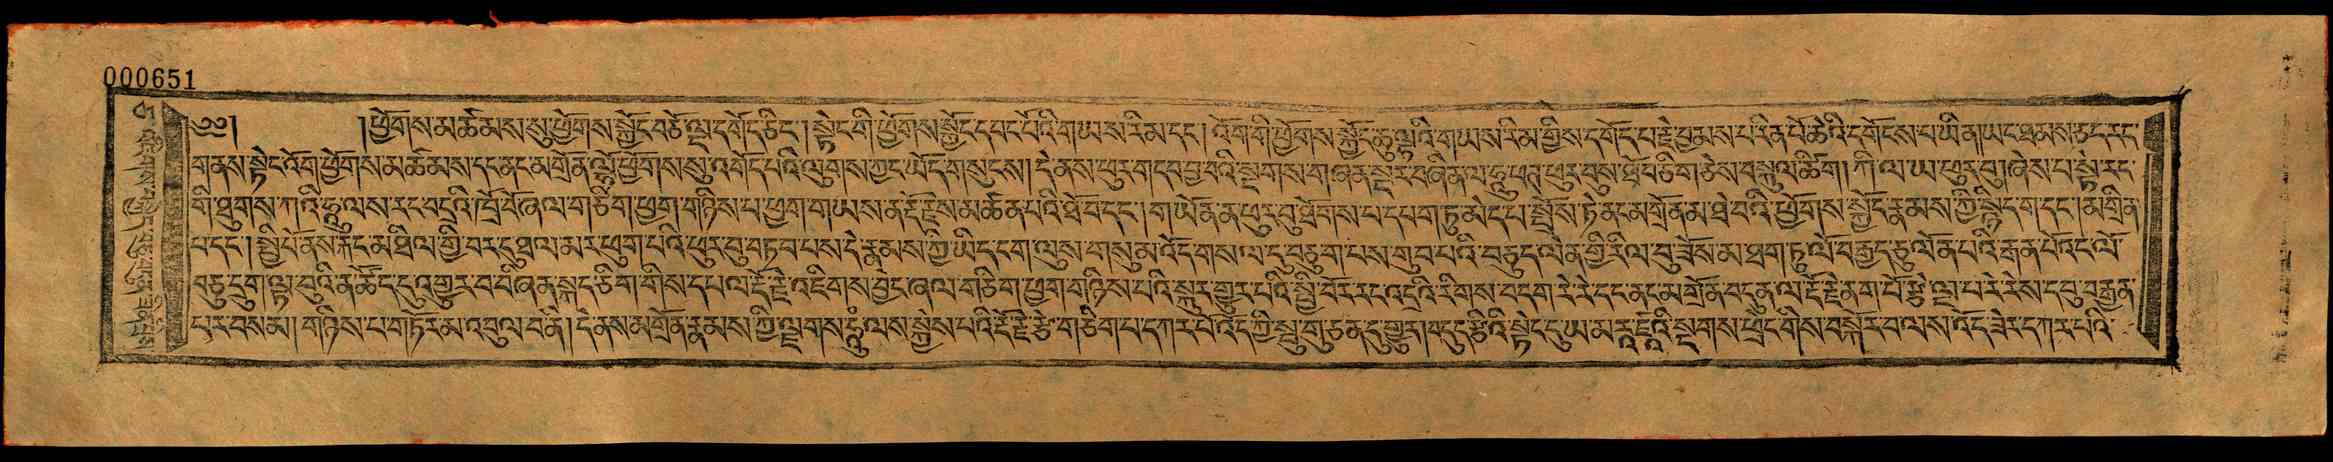༄༅། །ཕྱོགས་མཚམས་སུ་ཕྱོགས་སྐྱོང་བཅོ་ལྔ་དགོད་ཅིང་། སྟེང་གི་ཕྱོགས་སྐྱོང་དབང་པོའི་གཡས་རིམ་དང་། འོག་གི་ཕྱོགས་སྐྱོང་ཆུ་ལྷའི་གཡས་རིམ་གྱིས་དགོད་པ་རྗེ་བྱམས་པ་རིན་པོ་ཆེའི་དགོངས་པ་ཡིན། ཡང་ཐམས་ཅད་རང་
གནས་སྟེང་འོག་ཕྱོགས་མཚམས་དང་ནང་མགྲོན་ལྷོ་ཕྱོགས་སུ་འགོད་པའི་ལུགས་ཀྱང་ཡོད་གསུངས། དེ་ནས་ཕུར་གདབ་བྱ་བའི་སྔགས་གཞན་སྔར་བཞིན་ལ་ཧཱུཾ་ཕཊ་ཕུར་བུས་ཐོབ་ཅིག་ཅེས་བསྐུལ་ཚིག །ཀི་ལ་ཡ་ཕུར་བུ། ཞེས་པ་སྟེ་རང་
གི་ཐུགས་ཀའི་ཧཱུཾ་ལས་རང་འདྲའི་ཁྲོ་བོ་ཞལ་གཅིག་ཕྱག་གཉིས་པ་ཕྱག་གཡས་ན་རྡོ་རྗེས་མཚན་པའི་ཐོ་བ་དང་། གཡོན་ན་ཕུར་བུ་ཐོགས་པ་དཔག་ཏུ་མེད་པ་སྤྲོས་ཏེ་ནང་མགྲོན་མཐེ་བའི་ཕྱོགས་སྐྱོང་རྣམས་ཀྱི་སྙིང་ག་དང་། མགྲིན་
པ་དང་། སྤྱི་བོ་ནས་རྐང་མཐིལ་གྱི་བར་དུ་ཐལ་མར་ཕུག་པའི་ཕུར་བུ་བཏབ་པས་དེ་རྣམས་ཀྱི་ཡིད་ངག་ལུས་གསུམ་འོད་གསལ་དུ་བཅུག་པས་གྲུབ་པའི་བཅུད་ལེན་གྱི་རིལ་བུ་ཟོས་མ་ཐག་ཏུ་ལོ་བརྒྱད་ཅུ་ལོན་པའི་རྒན་པོའང་ལོ་
བཅུ་དྲུག་ལྟ་བུའི་ན་ཚོད་དུ་འགྱུར་བ་བཞིན་སྐད་ཅིག་གིས་དཔལ་རྡོ་རྗེ་འཇིགས་བྱེད་ཞལ་གཅིག་ཕྱག་གཉིས་པའི་སྐུར་གྱུར་པའི་སྤྱི་བོར་རང་འདྲའི་རིགས་བདག་རེ་རེ་དང་ནང་མགྲོན་བདུན་ལ་རྡོ་རྗེ་ནག་པོ་རྩེ་ལྔ་པ་རེ་རེས་དབུ་བརྒྱན་
པར་བསམ། གཉིས་པ་གཏོར་མ་འབུལ་བ་ནི། དེ་ནས་མགྲོན་རྣམས་ཀྱི་ལྗགས་ཧཱུཾ་ལས་སྐྱེས་པའི་རྡོ་རྗེ་རྩེ་གཅིག་པ་དཀར་པོ་འོད་ཀྱི་སྤུ་གུ་ཅན་དུ་གྱུར། བདུད་རྩིའི་སྟེང་དུ་ཡ་མ་རཱ་ཛཱའི་སྔགས་ཕྲེང་གིས་བསྐོར་བ་ལས་འོད་ཟེར་དཀར་པོའི་